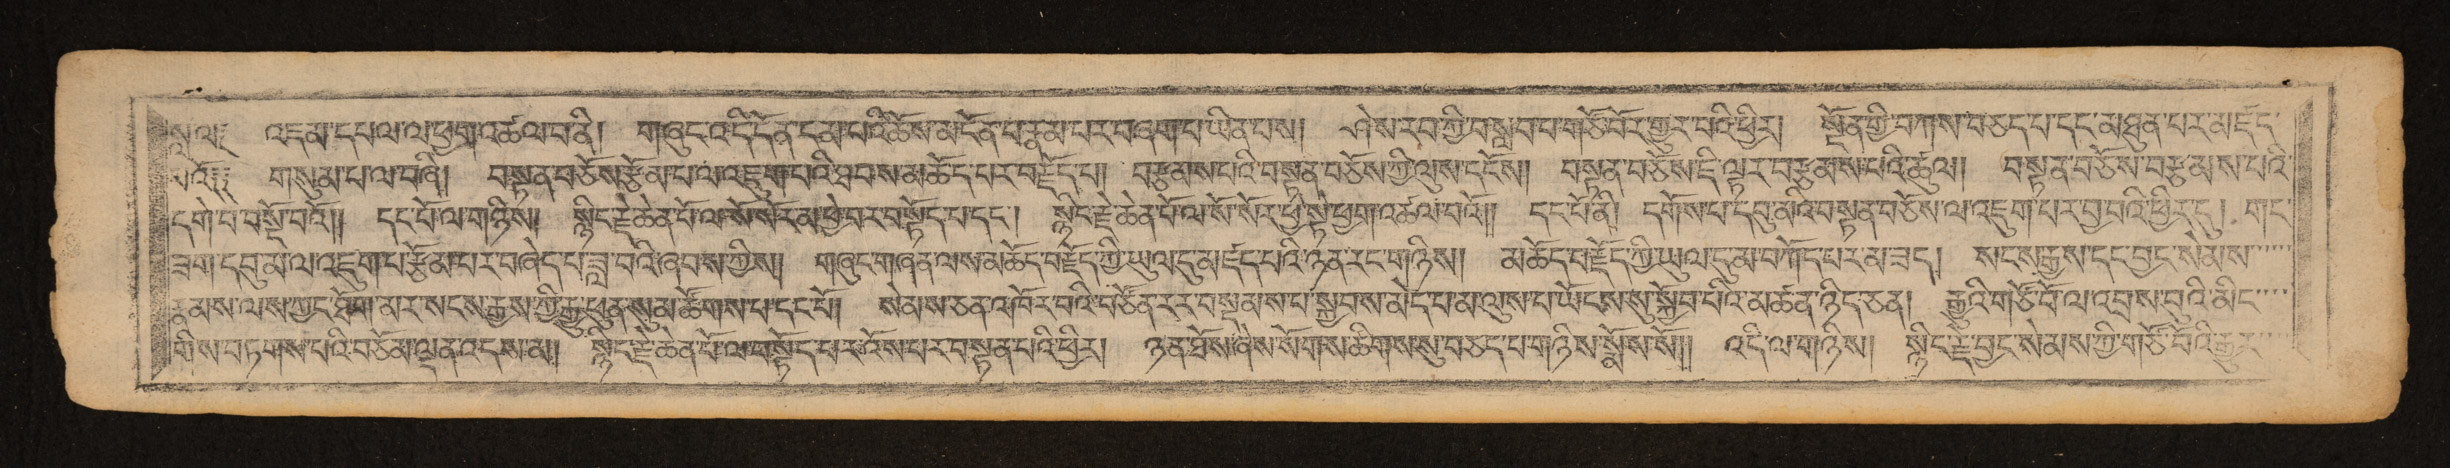སླ་ལ། འཇམ་དཔལ་ལ་ཕྱག་འཚལ་བ་ནི། གཞུང་འདི་དོན་དམ་པའི་ཆོས་མངོན་པ་རྣམ་པར་བཞག་པ་ཡིན་པས། ཤེས་རབ་ཀྱི་བསླབ་པ་གཙོ་བོར་གྱུར་པའི་ཕྱིར། སྔོན་གྱི་བཀས་བཅད་པ་དང་མཐུན་པར་མཛད་
པའོ༑༑ གསུམ་པ་ལ་བཞི། བསྟན་བཅོས་རྩོམ་པ་ལ་འཇུག་པའི་ཐབས་མཆོད་པར་བརྗོད་པ། བརྩམས་པའི་བསྟན་བཅོས་ཀྱི་ལུས་དངོས། བསྟན་བཅོས་ཇི་ལྟར་བརྩམས་པའི་ཚུལ། བསྟན་བཅོས་བརྩམས་པའི་
དགེ་བ་བསྔོ་བའོ།། དང་པོ་ལ་གཉིས། སྙིང་རྗེ་ཆེན་པོ་ལ་སོ་སོར་མ་ཕྱེ་བར་བསྟོད་པ་དང་། སྙིང་རྗེ་ཆེན་པོ་ལ་སོ་སོར་ཕྱེ་སྟེ་ཕྱག་འཚལ་བའོ།། དང་པོ་ནི། དགོས་པ་དབུ་མའི་བསྟན་བཅོས་ལ་འཇུག་པར་བྱ་བའི་ཕྱིར་དུ། གང་
ཟག་དབུ་མ་ལ་འཇུག་པ་རྩོམ་པར་བཞེད་པ་ཟླ་བའི་ཞབས་ཀྱིས། གཞུང་གཞན་ལས་མཆོད་བརྗོད་ཀྱི་ཡུལ་དུ་མཛད་པའི་ཉན་རང་གཉིས། མཆོད་བརྗོད་ཀྱི་ཡུལ་དུ་མ་བཀོད་པར་མ་ཟད། སངས་རྒྱས་དང་བྱང་སེམས་
རྣམས་ལས་ཀྱང་ཐོག་མར་སངས་རྒྱས་ཀྱི་རྒྱུ་ཕུན་སུམ་ཚོགས་པ་དང་པོ། སེམས་ཅན་འཁོར་བའི་བཙོན་རར་བསྡམས་པ་སྐྱབས་མེད་པ་མ་ལུས་པ་ཡོངས་སུ་སྐྱོབ་པའི་མཚན་ཉིད་ཅན། རྒྱུའི་གཙོ་བོ་ལ་འབྲས་བུའི་མིང་
གིས་བཏགས་པའི་བཅོམ་ལྡན་འདས་མ། སྙིང་རྗེ་ཆེན་པོ་ལ་བསྟོད་བར་འོས་པར་བསྟན་པའི་ཕྱིར། ཉན་ཐོས་ཞེས་སོགས་ཚིགས་སུ་བཅད་པ་གཉིས་སྨོས་སོ།། འདི་ལ་གཉིས། སྙིང་རྗེ་བྱང་སེམས་ཀྱི་གཙོ་བོའི་རྒྱུར་